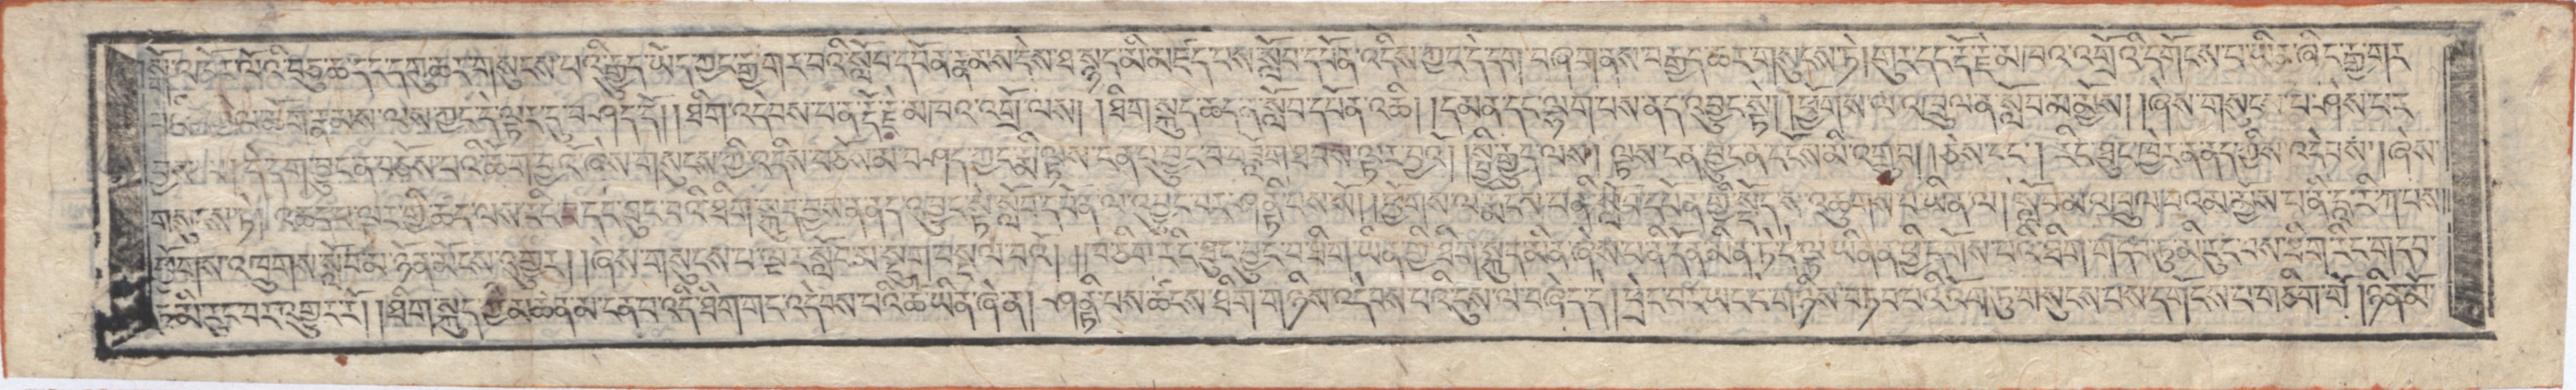སྒོ་འཁོར་ལོའི་བཅུ་ཆ་དང་དགུ་ཆར་གསུངས་པའི་རྒྱུད་ཡོད་ཀྱང་རྒྱ་གར་བའི་སློབ་དཔོན་རྣམས་དེས་ཐ་སྙད་མི་མཛད་པས་སློབ་དཔོན་འདིས་ཀྱང་དེ་དག་བཞག་ནས་བརྒྱད་ཆར་གསུངས་ཏེ། གུར་དང་རྡོ་རྗེ་མཁའ་འགྲོའི་དགོངས་པ་ཡིན་ཞིང་རྒྱ་གར་
བའི་དཀྱིལ་ཆོག་རྣམས་ལས་ཀྱང་དེ་ལྟར་དུ་བཤད་དོ། །ཐིག་འདེབས་པ་ན་རྡོ་རྗེ་མཁའ་འགྲོ་ལས། །ཐིག་སྐུད་ཆད་ན་སློབ་དཔོན་འཆི། །དམན་དང་ལྷག་པས་ནད་འབྱུང་སྟེ། །ཕྱོགས་ལ་འཁྲུལ་ན་སློབ་མ་མྱོས། །ཞེས་གསུངས་པ་ཤེས་པར་
བྱས་ལ། དེ་དག་བྱུང་ན་བཅོས་པའི་ཆོ་ག་བྱའོ་ཞེས་གསུངས་ཀྱི་འདིས་བཅོས་མ་བཤད་ཀྱང་རྨི་ལྟས་ངན་པ་བྱུང་བ་བཟློག་ཐབས་ལྟར་བྱའོ། །སྤྱི་རྒྱུད་ལས། ལྟས་ངན་བྱུང་ན་དངོས་མི་འགྲུབ། །ཅེས་དང་། རིང་ཐུང་ཁྱེར་ན་ནད་ཀྱིས་འདེབས། །ཞེས་
གསུངས་ཏེ། འཆད་པ་ལྟར་གྱི་ཚད་ལས་རིང་བ་དང་ཐུང་བའི་ཐིག་སྐུད་བྱས་ན་ནད་འབྱུང་སྟེ་སློབ་དཔོན་ལ་འབྱུང་བར་ཤནྟི་པས་སོ། །ཕྱོགས་ལ་རྨོངས་པ་ནི་སློབ་དཔོན་གྱི་སྡོད་ས་འཆུགས་པ་ཡིན་ལ། སློབ་མ་འཁྲུལ་བའམ་མྱོས་པ་ནི་དཱ་རི་ཀ་པས།།
ཕྱོགས་འཁྲུགས་སློབ་མ་ཉོན་མོངས་འགྱུར། །ཞེས་གསུངས་པ་ལྔར་སློབ་མ་སྡུག་བསྔལ་བའོ། །ཁ་ཅིག་རིང་ཐུང་བྱུང་བ་ཐིག་ཡིན་གྱི་ཐིག་སྐུད་མིན་ཞེས་པ་ནི་དོན་མིན་ཏེ་དེ་ལྟ་ཡིན་ན་ཕྱི་དགོས་པའི་ཐིག་གདབ་ཏུ་མི་རུང་བས་ཐིག་རིང་གདབ་
ཏུ་མི་རུང་བར་འགྱུར་རོ། །ཐིག་སྐུད་ཀྱི་མཚན་མ་ངན་པ་འདི་ཐིག་གང་འདེབས་པའི་ཚེ་ཡིན་ཞེ་ན། ཤནྟི་པས་ཚངས་ཐིག་གཉིས་འདེབས་པའི་དུས་ལ་བཞེད་དེ། ཕྲེང་བར་ཡང་དེ་གཉིས་བཏབ་པའི་འོག་ཏུ་གསུངས་པས་དགོངས་པ་གཅིག་གོ །ཉིན་མོ་